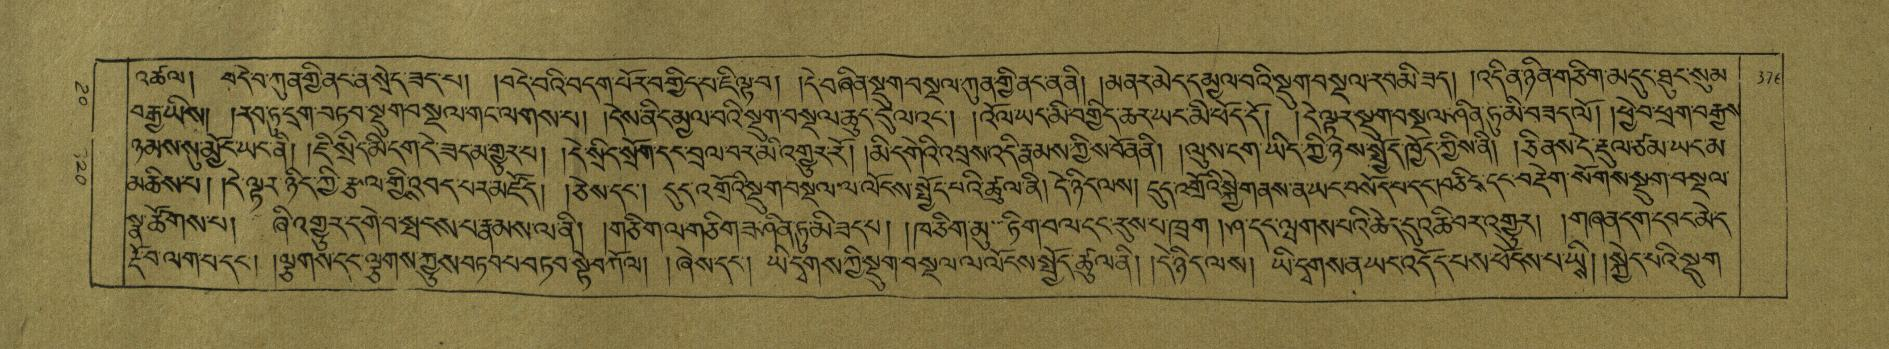འཚལ། བདེ་བ་ཀུན་གྱི་ནང་ན་སྲེད་ཟད་པ། །བདེ་བའི་བདག་པོར་བགྱིད་པ་ཇི་ལྟ་བ། །དེ་བཞིན་སྡུག་བསྔལ་ཀུན་གྱི་ནང་ན་ནི། །མནར་མེད་དབའི་སྡུག་བསྔལ་རབ་མི་ཟད། །འདི་ན་ཉིན་གཅིག་མདུང་ཐུང་སུམ་
བརྒྱ་ཡིས། །རབ་ཏུ་དྲག་བཏབ་སྡུག་བསྔལ་གང་ལགས་པ། །དེས་ནི་དམྱལ་བའི་སྡུག་བསྔལ་ཆུད་དུ་ལའང་། །འོལ་ཡད་མི་བགྱིད་ཆར་ཡང་མི་ཕོད་དོ། །དེ་ལྟར་སྡུག་བསྔལ་ཤིན་ཏུ་མི་བཟད་ལོ། །ཕྱེ་བ་ཕྲག་བརྒྱས་
ཉམས་སུ་མྱོང་ཡང་ནི། །ཇི་སྲིད་མི་དག་དེ་ཟད་མ་གྱུར་པ། །དེ་སྲིད་སྲོག་དང་བྲལ་བར་མི་འགྱུར་རོ། །མི་དགེའི་འབྲས་འདི་རྣམས་ཀྱི་ས་བོན་ནི། །ལུས་ངག་ཡིད་ཀྱི་ཉེས་སྤྱོད་ཁྱོད་ཀྱིས་ནི། །ཅི་ནས་དེ་རྡུལ་ཙམ་ཡང་མ་
མཆིས་པ། །དེ་ལྟར་ཉིད་ཀྱི་རྩལ་གྱི་འབད་པར་མཛོད། །ཅེས་དང་། དུད་འགྲོའི་སྡུག་བསྔལ་ལ་ལོངས་སྤྱོད་པའི་ཚུལ་ནི། དེ་ཉིད་ལས། དུད་འགྲོའི་སྐྱེ་གནས་ན་ཡང་བསོད་པ་དང་། བཅིང་དང་བརྡེག་སོགས་སྡུག་བསྔལ་
སྣ་ཚོགས་པ། ཞི་འགྱུར་དགེ་བ་སྤངས་པ་རྣམས་ལ་ནི། །གཅིག་ལ་གཅིག་ཟ་ཤིན་ཏུ་མི་ཟད་པ། །ཁ་ཅིག་མུ་ཏིག་བལ་དང་རུས་པ་ཁྲག །ཤ་དང་ལྤགས་པའི་ཆེད་དུ་འཆི་བར་འགྱུར། །གཞན་དག་དབང་མེད་
རྡོ་བ་ལག་པ་དང་། །ལྕགས་དང་ལྕགས་ཀྱུས་བཏབ་པ་བཏབ་སྟེ་བཀོལ། །ཞེས་དང་། ཡི་དྭགས་ཀྱི་སྡུག་བསྔལ་ལ་ལོངས་སྤྱོད་ཚུལ་ནི། །དེ་ཉིད་ལས། ཡི་དྭགས་ན་ཡང་འདོད་པས་ཕོངས་པ་ཡིས། །སྐྱེད་པའི་སྡུག་